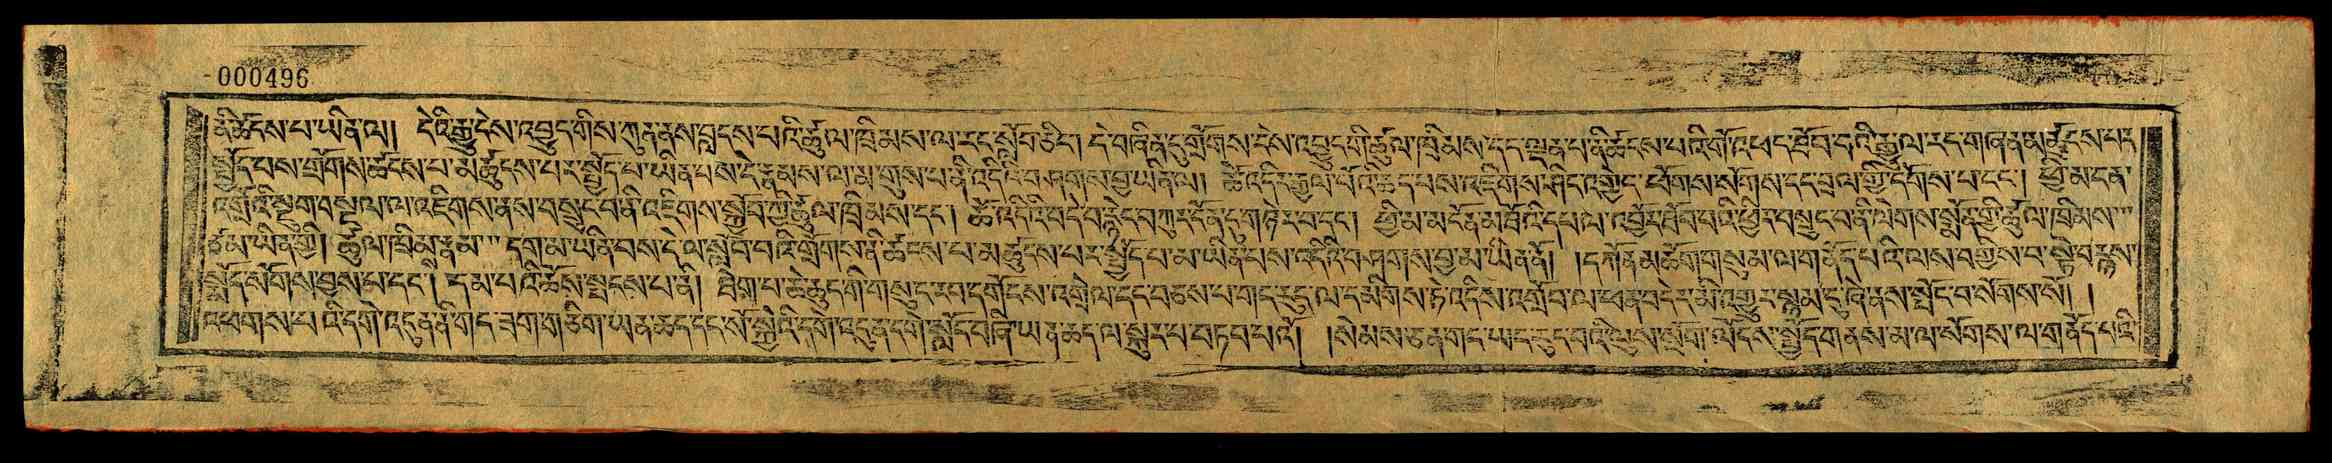ནི་ཚངས་པ་ཡིན་ལ། དེའི་རྒྱུ་ངེས་འབྱུང་གིས་ཀུན་ནས་བླངས་པའི་ཚུལ་ཁྲིམས་ལ་རང་སློབ་ཅིང་། དེ་བཞིན་དུ་གྲོགས་ངེས་འབྱུང་གི་ཚུལ་ཁྲིམས་དང་ལྡན་པ་ནི་ཚངས་པའི་གོ་འཕང་ཐོབ་པའི་རྒྱུ་ལ་རང་གཞན་མཚུངས་པར་
སྤྱོད་པས་གྲོགས་ཚངས་པ་མཚུངས་པར་སྤྱོད་པ་ཡིན་པས་དེ་རྣམས་ལ་མ་གུས་པ་ནི་འདིའི་བཤགས་བྱ་ཡིན་ལ། ཚེ་འདིར་རྒྱལ་པོའི་ཆད་པས་འཇིགས་ཤིང་འགྱེད་ཕོགས་སོགས་དང་བྲལ་གྱི་དགོས་པ་དང་། ཕྱི་མ་ངན་
འགྲོའི་སྡུག་བསྔལ་ལ་འཇིགས་ནས་བསྲུང་བ་ནི་འཇིགས་སྐྱོབ་ཀྱི་ཚུལ་ཁྲིམས་དང་། ཚེ་འདིའི་བདེ་བ་རྙེད་བཀུར་དོན་དུ་གཉེར་བ་དང་། ཕྱི་མ་མངོན་མཐོའི་དཔལ་འབྱོར་ཐོབ་པའི་ཕྱིར་བསྲུང་བ་ནི་ལེགས་སྨོན་གྱི་ཚུལ་ཁྲིམས་
ཙམ་ཡིན་གྱི། ཚུལ་ཁྲིམས་རྣམ་དག་མ་ཡིན་པས་དེ་ལ་སློབ་པའི་གྲོགས་ནི་ཚངས་པ་མཚུངས་པར་སྤྱོད་པ་མ་ཡིན་པས་འདིའི་བཤགས་བྱ་མ་ཡིན་ནོ། །དཀོན་མཆོག་གསུམ་ལ་གནོད་པའི་ལས་བགྱིས་པ་སྟེ་བརྙས་
སྨོད་སོགས་བྱས་པ་དང་། དམ་པའི་ཆོས་སྤངས་པ་ནི། ཐེག་པ་ཆེ་ཆུང་གི་གསུང་རབ་དགོངས་འབྲེལ་དང་བཅས་པ་གང་རུང་ལ་དམིགས་ཏེ་འདིས་འགྲོ་བ་ལ་ཕན་བདེར་མི་འགྱུར་སྙམ་དུ་ཞེ་ནས་སྤོང་བ་སོགས་སོ། །
འཕགས་པའི་དགེ་འདུན་ནི་གང་ཟག་གཅིག་ཡན་ཆད་དང་སོ་སྐྱེའི་དགེ་འདུན་དགེ་སློང་བཞི་ཡན་ཆད་ལ་སྐུར་པ་བཏབ་པའོ། །སེམས་ཅན་གང་ཡང་རུང་བའི་ལུས་སྲོག་ལོངས་སྤྱོད་གནས་མལ་སོགས་ལ་གནོད་པའི་